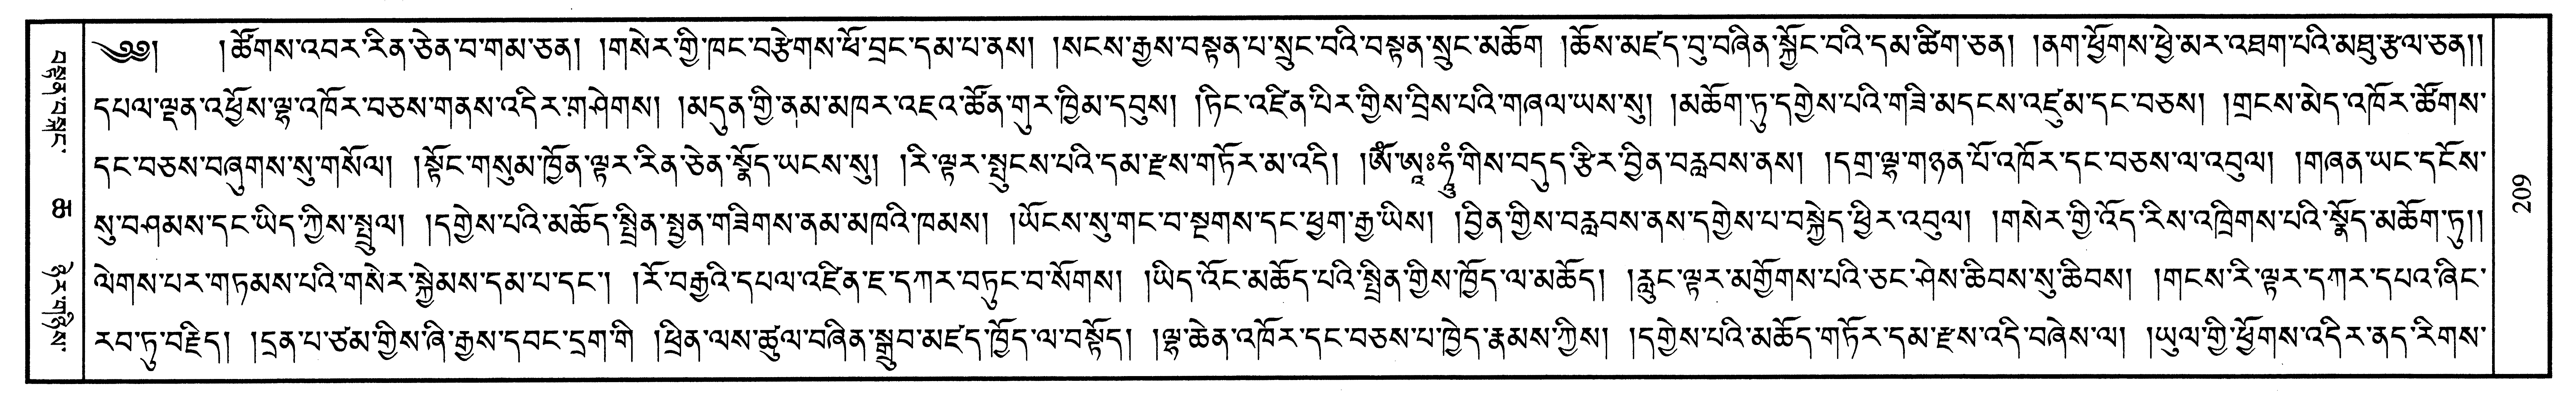༄༅། །ཚོགས་འབར་རིན་ཅེན་བ་གམ་ཅན། །གསེར་གྱི་ཁང་བརྩེགས་ཕོ་བྲང་དམ་པ་ནས། །སངས་རྒྱས་བསྟན་པ་སྲུང་བའི་བསྟན་སྲུང་མཆོག །ཆོས་མཛད་བུ་བཞིན་སྐྱོང་བའི་དམ་ཚིག་ཅན། །ནག་ཕྱོགས་ཕྱེ་མར་འཐག་པའི་མཐུ་རྩལ་ཅན།།
དཔལ་ལྡན་འཕྱོས་ལྷ་འཁོར་བཅས་གནས་འདིར་གཤེགས། །མདུན་གྱི་ནམ་མཁར་འཇའ་ཚོན་གུར་ཁྱིམ་དབུས། །ཏིང་འཛིན་པིར་གྱིས་བྲིས་པའི་གཞལ་ཡས་སུ། །མཆོག་ཏུ་དགྱེས་པའི་གཟི་མདངས་འཛུམ་དང་བཅས། །གྲངས་མེད་འཁོར་ཚོགས་
དང་བཅས་བཞུགས་སུ་གསོལ། །སྟོང་གསུམ་ཁྱོན་ལྟར་རིན་ཅེན་སྣོད་ཡངས་སུ། །རི་ལྟར་སྤུངས་པའི་དམ་རྫས་གཏོར་མ་འདི། །ཨོཾ་ཨཱཿ ཧཱུཾ་གིས་བདུད་རྩིར་བྱིན་བརླབས་ནས། །དགྲ་ལྷ་གཉན་པོ་འཁོར་དང་བཅས་ལ་འབུལ། །གཞན་ཡང་དངོས་
སུ་བཤམས་དང་ཡིད་ཀྱིས་སྤྲུལ། །དགྱེས་པའི་མཆོད་སྤྲིན་སྤྱན་གཟིགས་ནམ་མཁའི་ཁམས། །ཡོངས་སུ་གང་བ་སྔགས་དང་ཕྱག་རྒྱ་ཡིས། །བྱིན་གྱིས་བརླབས་ནས་དགྱེས་པ་བསྐྱེད་ཕྱིར་འབུལ། །གསེར་གྱི་འོད་རིས་འཁྲིགས་པའི་སྣོད་མཆོག་ཏུ།།
ལེགས་པར་གཏམས་པའི་གསེར་སྐྱེམས་དམ་པ་དང་། །རོ་བརྒྱའི་དཔལ་འཛིན་ཇ་དཀར་བཏུང་བ་སོགས། །ཡིད་འོང་མཆོད་པའི་སྤྲིན་གྱིས་ཁྱོད་ལ་མཆོད། །རླུང་ལྟར་མགྱོགས་པའི་ཅང་ཤེས་ཆིབས་སུ་ཆིབས། །གངས་རི་ལྟར་དཀར་དཔའ་ཞིང་
རབ་ཏུ་བརྗིད། །དྲན་པ་ཙམ་གྱིས་ཞི་རྒྱས་དབང་དྲག་གི །ཕྲིན་ལས་ཚུལ་བཞིན་སྒྲུབ་མཛད་ཁྱོད་ལ་བསྟོད། །ལྷ་ཆེན་འཁོར་དང་བཅས་པ་ཁྱེད་རྣམས་ཀྱིས། །དགྱེས་པའི་མཆོད་གཏོར་དམ་རྫས་འདི་བཞེས་ལ། །ཡུལ་གྱི་ཕྱོགས་འདིར་ནད་རིགས་